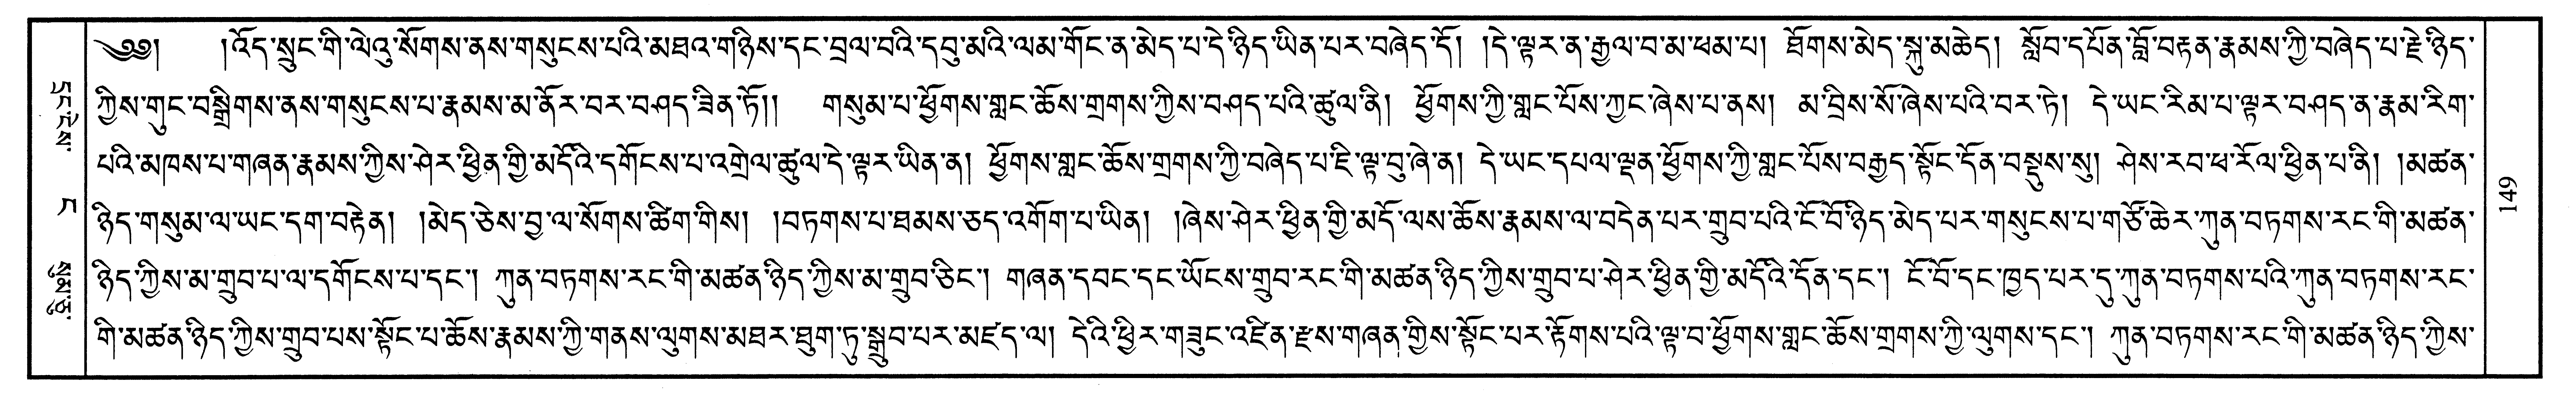༄༅། །འོད་སྲུང་གི་ལེའུ་སོགས་ནས་གསུངས་པའི་མཐའ་གཉིས་དང་བྲལ་བའི་དབུ་མའི་ལམ་གོང་ན་མེད་པ་དེ་ཉིད་ཡིན་པར་བཞེད་དོ། །དེ་ལྟར་ན་རྒྱལ་བ་མ་ཕམ་པ། ཐོགས་མེད་སྐུ་མཆེད། སློབ་དཔོན་བློ་བརྟན་རྣམས་ཀྱི་བཞེད་པ་རྗེ་ཉིད་
ཀྱིས་གུང་བསྒྲིགས་ནས་གསུངས་པ་རྣམས་མ་ནོར་བར་བཤད་ཟིན་ཏོ།། གསུམ་པ་ཕྱོགས་གླང་ཆོས་གྲགས་ཀྱིས་བཤད་པའི་ཚུལ་ནི། ཕྱོགས་ཀྱི་གླང་པོས་ཀྱང་ཞེས་པ་ནས། མ་བྲིས་སོ་ཞེས་པའི་བར་ཏེ། དེ་ཡང་རིམ་པ་ལྟར་བཤད་ན་རྣམ་རིག་
པའི་མཁས་པ་གཞན་རྣམས་ཀྱིས་ཤེར་ཕྱིན་གྱི་མདོའི་དགོངས་པ་འགྲེལ་ཚུལ་དེ་ལྟར་ཡིན་ན། ཕྱོགས་གླང་ཆོས་གྲགས་ཀྱི་བཞེད་པ་ཇི་ལྟ་བུ་ཞེ་ན། དེ་ཡང་དཔལ་ལྡན་ཕྱོགས་ཀྱི་གླང་པོས་བརྒྱད་སྟོང་དོན་བསྡུས་སུ། ཤེས་རབ་ཕ་རོལ་ཕྱིན་པ་ནི། །མཚན་
ཉིད་གསུམ་ལ་ཡང་དག་བརྟེན། །མེད་ཅེས་བྱ་ལ་སོགས་ཚིག་གིས། །བཏགས་པ་ཐམས་ཅད་འགོག་པ་ཡིན། །ཞེས་ཤེར་ཕྱིན་གྱི་མདོ་ལས་ཆོས་རྣམས་ལ་བདེན་པར་གྲུབ་པའི་ངོ་བོ་ཉིད་མེད་པར་གསུངས་པ་གཙོ་ཆེར་ཀུན་བཏགས་རང་གི་མཚན་
ཉིད་ཀྱིས་མ་གྲུབ་པ་ལ་དགོངས་པ་དང་། ཀུན་བཏགས་རང་གི་མཚན་ཉིད་ཀྱིས་མ་གྲུབ་ཅིང་། གཞན་དབང་དང་ཡོངས་གྲུབ་རང་གི་མཚན་ཉིད་ཀྱིས་གྲུབ་པ་ཤེར་ཕྱིན་གྱི་མདོའི་དོན་དང་། ངོ་བོ་དང་ཁྱད་པར་དུ་ཀུན་བཏགས་པའི་ཀུན་བཏགས་རང་
གི་མཚན་ཉིད་ཀྱིས་གྲུབ་པས་སྟོང་པ་ཆོས་རྣམས་ཀྱི་གནས་ལུགས་མཐར་ཐུག་ཏུ་སྒྲུབ་པར་མཛད་ལ། དེའི་ཕྱིར་གཟུང་འཛིན་རྫས་གཞན་གྱིས་སྟོང་པར་རྟོགས་པའི་ལྟ་བ་ཕྱོགས་གླང་ཆོས་གྲགས་ཀྱི་ལུགས་དང་། ཀུན་བཏགས་རང་གི་མཚན་ཉིད་ཀྱིས་